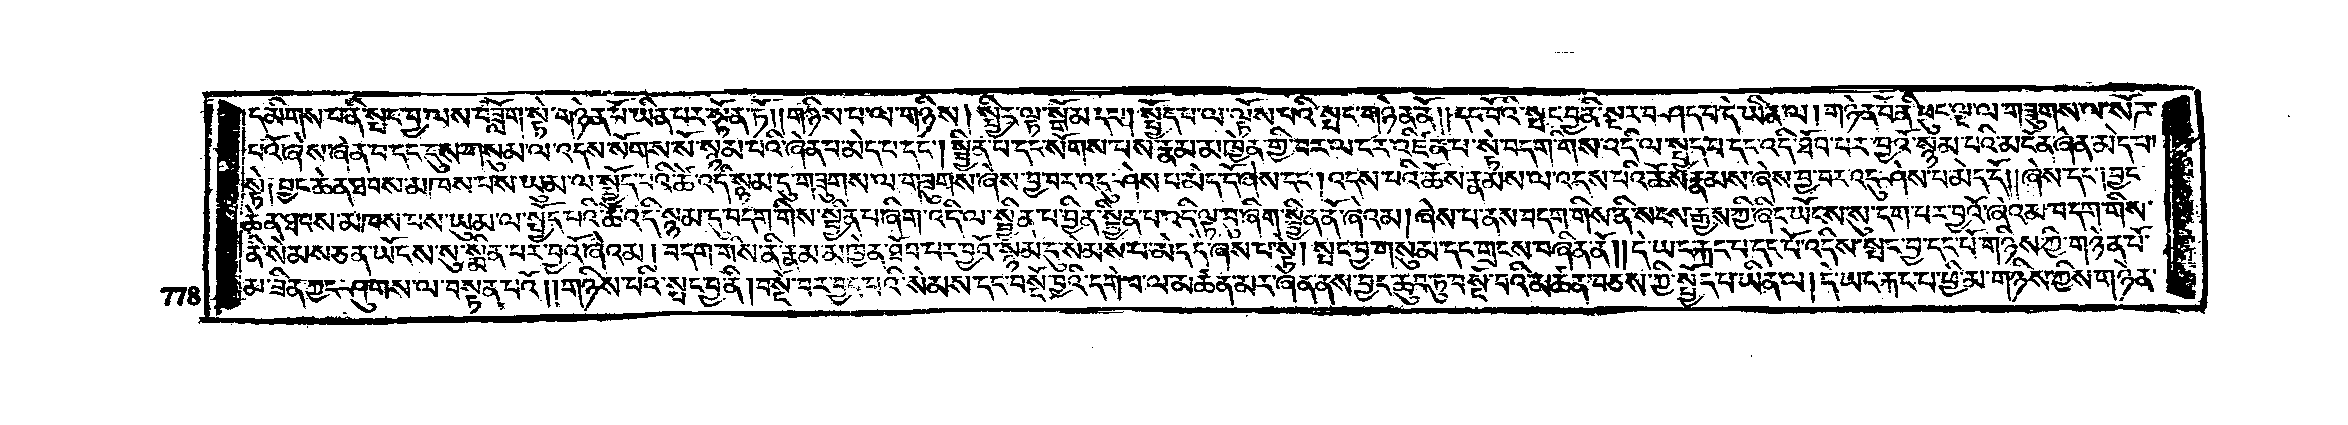དམིགས་པ་ནི་སྤང་བྱ་ལས་བཟློག་སྟེ་གཉེན་པོ་ཡིན་པར་སྟོན་ཏོ། །གཉིས་པ་ལ་གཉིས། སྤྱིར་ལྟ་སྒོམ་དང་། སྤྱོད་པ་ལ་ལྟོས་པའི་སྤང་གཉེན་ནོ། །དང་པོའི་སྤང་བྱ་ནི་སྔར་བཤད་པ་དེ་ཡིན་ལ། གཉེན་པོ་ནི་ཕུང་ལྔ་ལ་གཟུགས་ལ་སོགས་
པའོ་ཞེས་ཞེན་པ་དང་དུས་གསུམ་ལ་འདས་སོགས་སོ་སྙམ་པའི་ཞེན་པ་མེད་པ་དང་། སྦྱིན་པ་དང་སོགས་པས་རྣམ་མཁྱེན་གྱི་བར་ལ་ངར་འཛིན་པ་སྟེ་བདག་གིས་འདི་ལ་སྤྱད་པ་དང་འདི་ཐོབ་པར་བྱའོ་སྙམ་པའི་མངོན་ཞེན་མེད་པ་
སྟེ། བྱང་ཆེན་ཐབས་མཁས་པས་ཡུམ་ལ་སྤྱོད་པའི་ཚེ་འདི་སྙམ་དུ་གཟུགས་ལ་གཟུགས་ཞེས་བྱ་བར་འདུ་ཤེས་པ་མེད་དོ་ཞེས་དང་། འདས་པའི་ཆོས་རྣམས་ལ་འདས་པའི་ཆོས་རྣམས་ཞེས་བྱ་བར་འདུ་ཤེས་པ་མེད་དོ། །ཞེས་དང་། བྱང་
ཆེན་ཐབས་མཁས་པས་ཡུམ་ལ་སྤྱོད་པའི་ཚེ་འདི་སྙམ་དུ་བདག་གིས་སྦྱིན་པ་ཞིག་འདི་ལ་སྦྱིན་པ་བྱིན་སྦྱིན་པ་འདི་ལྟ་བུ་ཞིག་སྦྱིན་ནོ་ཞེའམ། ཞེས་པ་ནས་བདག་གིས་ནི་སངས་རྒྱས་ཀྱི་ཞིང་ཡོངས་སུ་དག་པར་བྱའོ་ཞེའམ་བདག་གིས་
ནི་སེམས་ཅན་ཡོངས་སུ་སྨིན་པར་བྱའོ་ཞེའམ། བདག་གིས་ནི་རྣམ་མཁྱེན་ཐོབ་པར་བྱའོ་སྙམ་དུ་སེམས་པ་མེད་དེ་ཞེས་པ་སྟེ། སྤང་བྱ་གསུམ་དང་གྲངས་བཞིན་ནོ། །དེ་ཡང་རྐང་པ་དང་པོ་འདིས་སྤང་བྱ་དང་པོ་གཉིས་ཀྱི་གཉེན་པོ་
མ་ཟིན་ཀྱང་ཤུགས་ལ་བསྟན་པའོ། །གཉིས་པའི་སྤང་བྱ་ནི། བསྔོ་བར་བྱེད་པའི་སེམས་དང་བསྔོ་བྱའི་དགེ་བ་ལ་མཚན་མར་ཞེན་ནས་བྱང་ཆུབ་ཏུ་བསྔོ་བའི་མཚན་བཅས་ཀྱི་སྤྱོད་པ་ཡིན་ལ། དེ་ཡང་རྐང་པ་ཕྱི་མ་གཉིས་ཀྱིས་གཉེན་